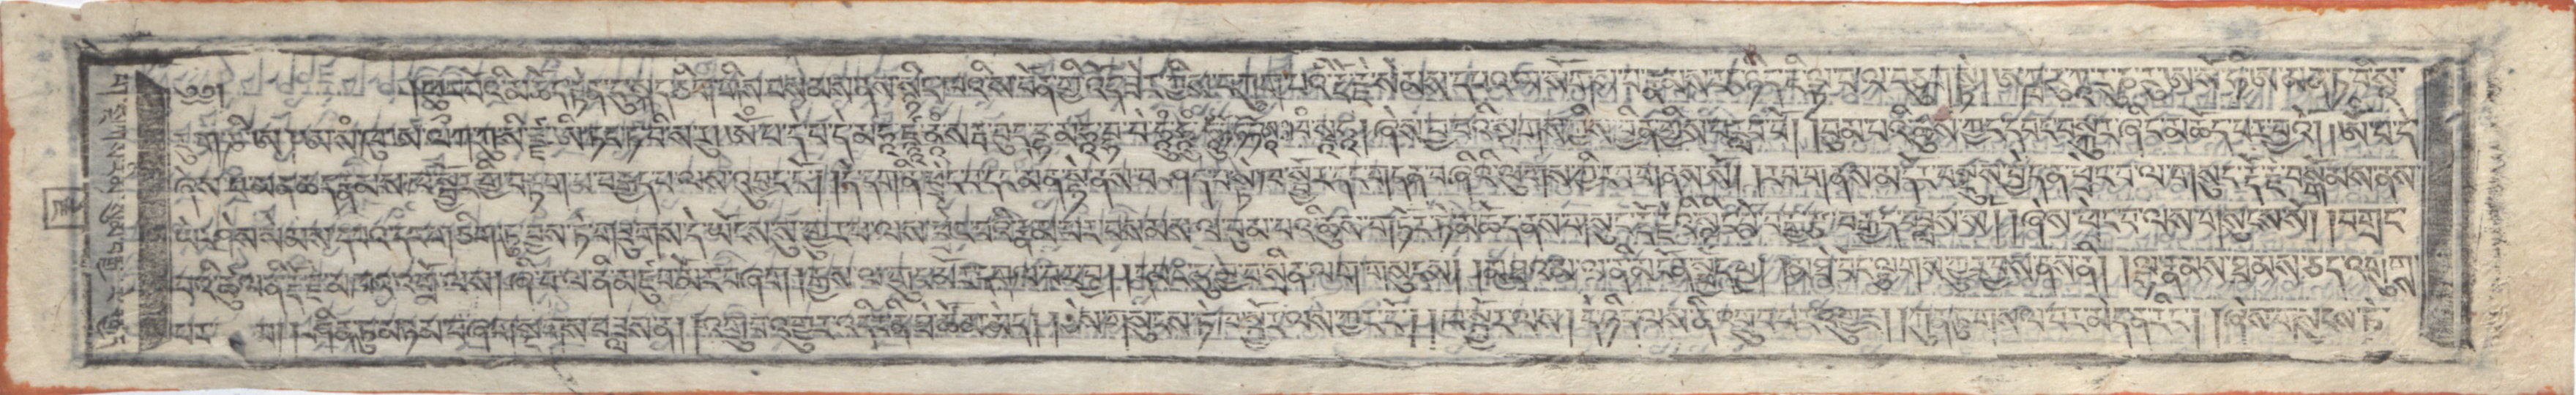༄༅། །ཕུང་པོའི་མཆོད་རྟེན་དུ་སྐད་ཅིག་གིས་བསམས་ནས་སྙིང་ཁའི་ས་བོན་གྱི་འོད་ཟེར་གྱིས་བཀུག་པའི་རྡོ་རྗེ་སེམས་དཔའ་ལ་སོགས་པ་རྣམས་རང་ཉིད་ཇི་ལྟ་བ་ལ་བཅུག་སྟེ། ཨ་ཀྑ་རུ་ཀཱ་ར་ཎུ་རུ་ཨ་སོ་ཧི་ཨ་མ་ན་ཏ་བི་སཱ་
རུ་ག་ཎི་ཨ། ཨ་སཾ་ཁུ་ཨ་ལྀ་ཀ་ཀུ་སི་ཛྫ་ཨི་ཏང་ཏ་བི་ས་རུ། ཨོཾ་པ་དེ་པ་དེ་མཧཱ་ཛྙཱ་ནའཾ་སརྦ་བུད་དྷ་མཧཱ་བྷ་བེ་ཧཱུཾ་ཧཱུཾ་ཧཱུཾ་ཧོ་ཧོ་ཧོ་ཨཱཿ ཁཾ་སྭཱ་ཧཱ། ཞེས་བྱ་བའི་སྔགས་ཀྱིས་བྱིན་གྱིས་བརླབ་བོ། །བུམ་པའི་ཆུས་ཀྱང་དབང་བསྐུར་ཞིང་མཆོད་པར་བྱའོ། །ཨོཾ་བ་དེ་
ཞེས་པ་མན་ཆད་རྣམས་ཁ་སྦྱོར་གྱི་བརྟག་པ་བརྒྱད་པ་ལས་འབྱུང་ངོ། །དེ་དག་ནི་ཕྲེང་བ་དང་མན་སྙེ་ནས་བཤད་པ་སྟེ་ཁ་སྦྱོར་དང་གདན་བཞིའི་ལུགས་ཀྱི་རབ་གནས་སོ། །རབ་གནས་མདོར་བསྡུས་བྱེད་ན་ཕྲེང་བ་ལ་གསུང་རྡོ་རྗེ་བསྒོམས་ནས་
ཡེ་ཤེས་སེམས་དཔའ་དང་གཅིག་ཏུ་བྱས་ཏེ་གཟུགས་དེ་ཡོངས་སུ་གྱུར་པ་ལས་ཕྲེང་བའི་རྣམ་པར་བསམས་ལ་བུམ་པའི་ཆུས་གཏོར་ཏེ་མཆོད་ནས་གསུང་རྡོ་རྗེའི་སྙིང་པོ་བརྒྱ་རྩ་བརྒྱད་བཟླས་སོ། །ཞེས་ཕྲེང་བ་ལས་གསུངས་སོ། །བགྲང་
བའི་ཚུལ་ནི་རྡོ་རྗེ་མཁའ་འགྲོ་ལས། ཞི་བ་ལ་ནི་མཛུབ་མོར་བཞག །རྒྱས་ལ་གུང་མོར་དགལ་བར་བྱ། །དབང་དུ་བྱ་བ་སྲིན་ལག་གསུངས། །མཐའ་མ་ལ་ནི་མངོན་སྤྱོད་བྱ། །མཐེ་བོང་ལྕགས་ཀྱུར་བྱས་ནས་ནི། །ལྷ་རྣམས་ཐམས་ཅད་འགུགས་
པར་བསམ། །ཤིན་ཏུ་མཉམ་བཞག་སྔགས་བཟླས་ན། །འགྲུབ་འགྱུར་འདིར་ནི་ཐེ་ཚོམ་མེད། །ཅེས་གསུངས་ཏེ་ཁ་སྦྱོར་ལས་ཀྱང་ངོ། །ཁ་སྦྱོར་ལས། དེ་ཉིད་ལས་ནི་འགྲུབ་པར་འགྱུར། །ཀུན་ཏུ་གསལ་བར་མེད་ན་རིང་། །ཞེས་གསུངས་ཏེ་